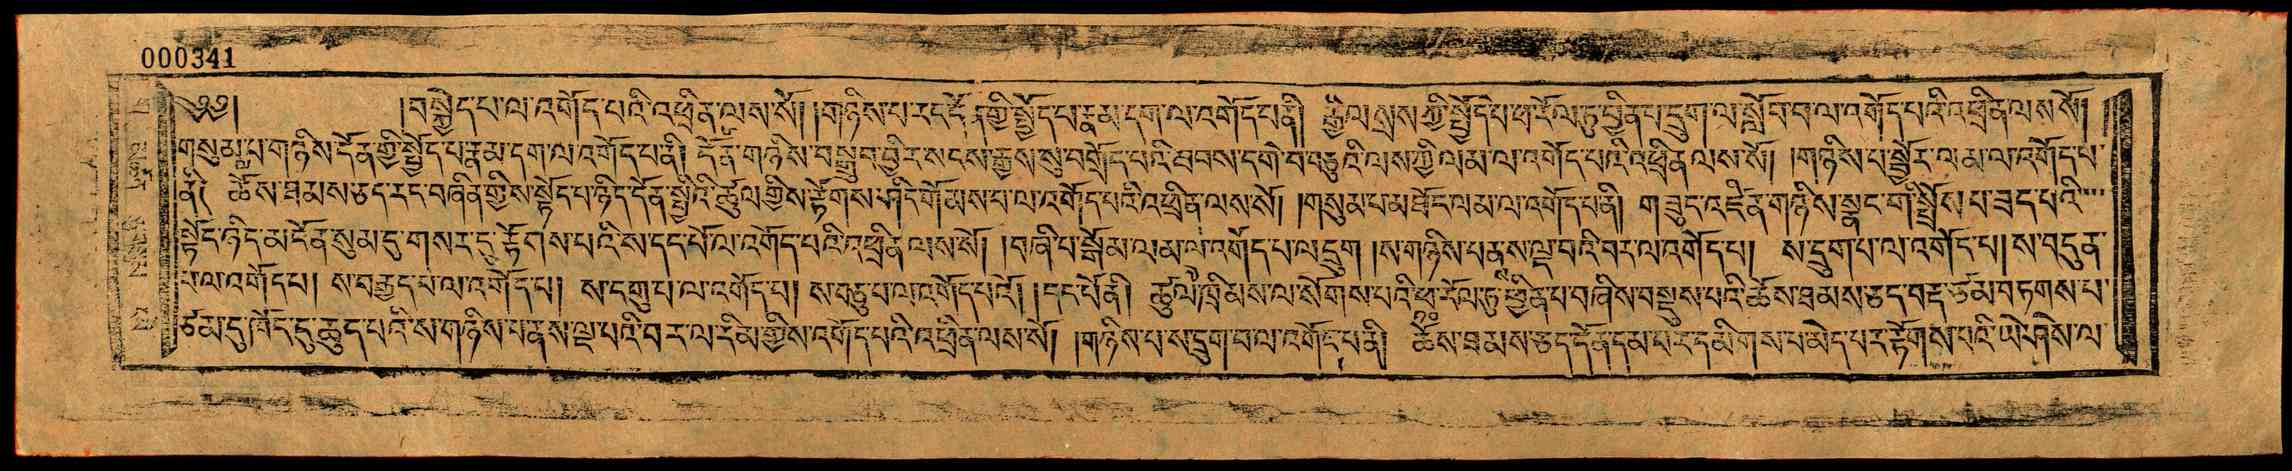༄༅། །བསྐྱེད་པ་ལ་འགོད་པའི་འཕྲིན་ལས་སོ། །གཉིས་པ་རང་དོན་གྱི་སྤྱོད་པ་རྣམ་དག་ལ་འགོད་པ་ནི། ༥་རྒྱལ་སྲས་ཀྱི་སྤྱོད་པ་ཕ་རོལ་ཏུ་ཕྱིན་པ་དྲུག་ལ་སློབ་པ་ལ་འགོད་པའི་འཕྲིན་ལས་སོ། །
གསུམ་པ་གཉིས་དོན་གྱི་སྤྱོད་པ་རྣམ་དག་ལ་འགོད་པ་ནི། དོན་གཉིས་བསྒྲུབ་ཕྱིར་སངས་རྒྱས་སུ་བགྲོད་པའི་ཐབས་དགེ་བ་བཅུའི་ལས་ཀྱི་ལམ་ལ་འགོད་པའི་འཕྲིན་ལས་སོ། །གཉིས་པ་སྦྱོར་ལམ་ལ་འགོད་པ་
ནི། ༦་ཆོས་ཐམས་ཅད་རང་བཞིན་གྱིས་སྟོང་པ་ཉིད་དོན་སྤྱིའི་ཚུལ་གྱིས་རྟོགས་ཤིང་གོམས་པ་ལ་འགོད་པའི་འཕྲིན་ལས་སོ། །གསུམ་པ་མཐོང་ལམ་ལ་འགོད་པ་ནི། གཟུང་འཛིན་གཉིས་སྣང་གི་སྤྲོས་པ་ཟད་པའི་
སྟོང་ཉིད་མངོན་སུམ་དུ་གསར་དུ་རྟོགས་པའི་ས་དང་པོ་ལ་འགོད་པའི་འཕྲིན་ལས་སོ། །བཞི་པ་སྒོམ་ལམ་ལ་འགོད་པ་ལ་དྲུག །ས་གཉིས་པ་ནས་ལྔ་པའི་བར་ལ་འགོད་པ། ས་དྲུག་པ་ལ་འགོད་པ། ས་བདུན་
པ་ལ་འགོད་པ། ས་བརྒྱད་པ་ལ་འགོད་པ། ས་དགུ་པ་ལ་འགོད་པ། ས་བཅུ་པ་ལ་འགོད་པའོ། །དང་པོ་ནི། ཚུལ་ཁྲིམས་ལ་སོགས་པའི་ཕ་རོལ་ཏུ་ཕྱིན་པ་བཞིས་བསྡུས་པའི་ཆོས་ཐམས་ཅད་བརྡ་ཙམ་བཏགས་པ་
ཙམ་དུ་ཁོང་དུ་ཆུད་པའི་ས་གཉིས་པ་ནས་ལྔ་པའི་བར་ལ་རིམ་གྱིས་འགོད་པའི་འཕྲིན་ལས་སོ། །གཉིས་པས་དྲུག་པ་ལ་འགོད་པ་ནི། ༡༠་ཆོས་ཐམས་ཅད་དོན་དམ་པར་དམིགས་པ་མེད་པར་རྟོགས་པའི་ཡེ་ཤེས་ལ་